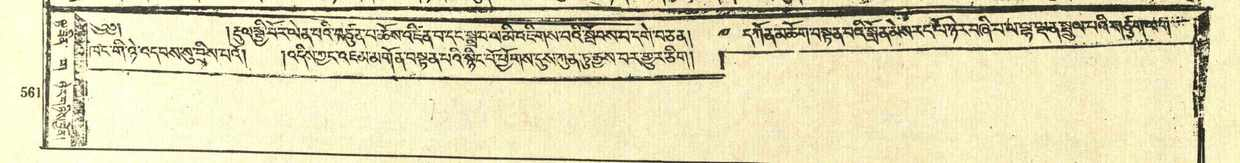༄༅། །རྡུལ་སྤྱི་བོར་ལེན་པའི་བཙུན་པ་ཆོས་འཛིན་བ་དང་སྨྲ་བ་ལ་མི་འཇིགས་བའི་སྦོབས་བ་དགེ་བཅན། ༧་དཀོན་མཆོག་བསྟན་བའི་སྒྲོན་མེས་རང་པོ་ཉེར་བཞི་པ་ལ་ལྷ་ལྡན་སྤྲུལ་པའི་གཙུག་ལག་
ཁང་གི་ཉེ་འདབས་སུ་བྲིས་པའོ། །འདིས་ཀྱང་འཇམ་མགོན་བསྟན་པའི་སྙིང་པོ་ཕྱོགས་དུས་ཀུན་ཏུ་རྒྱས་བར་གྱུར་ཅིག །